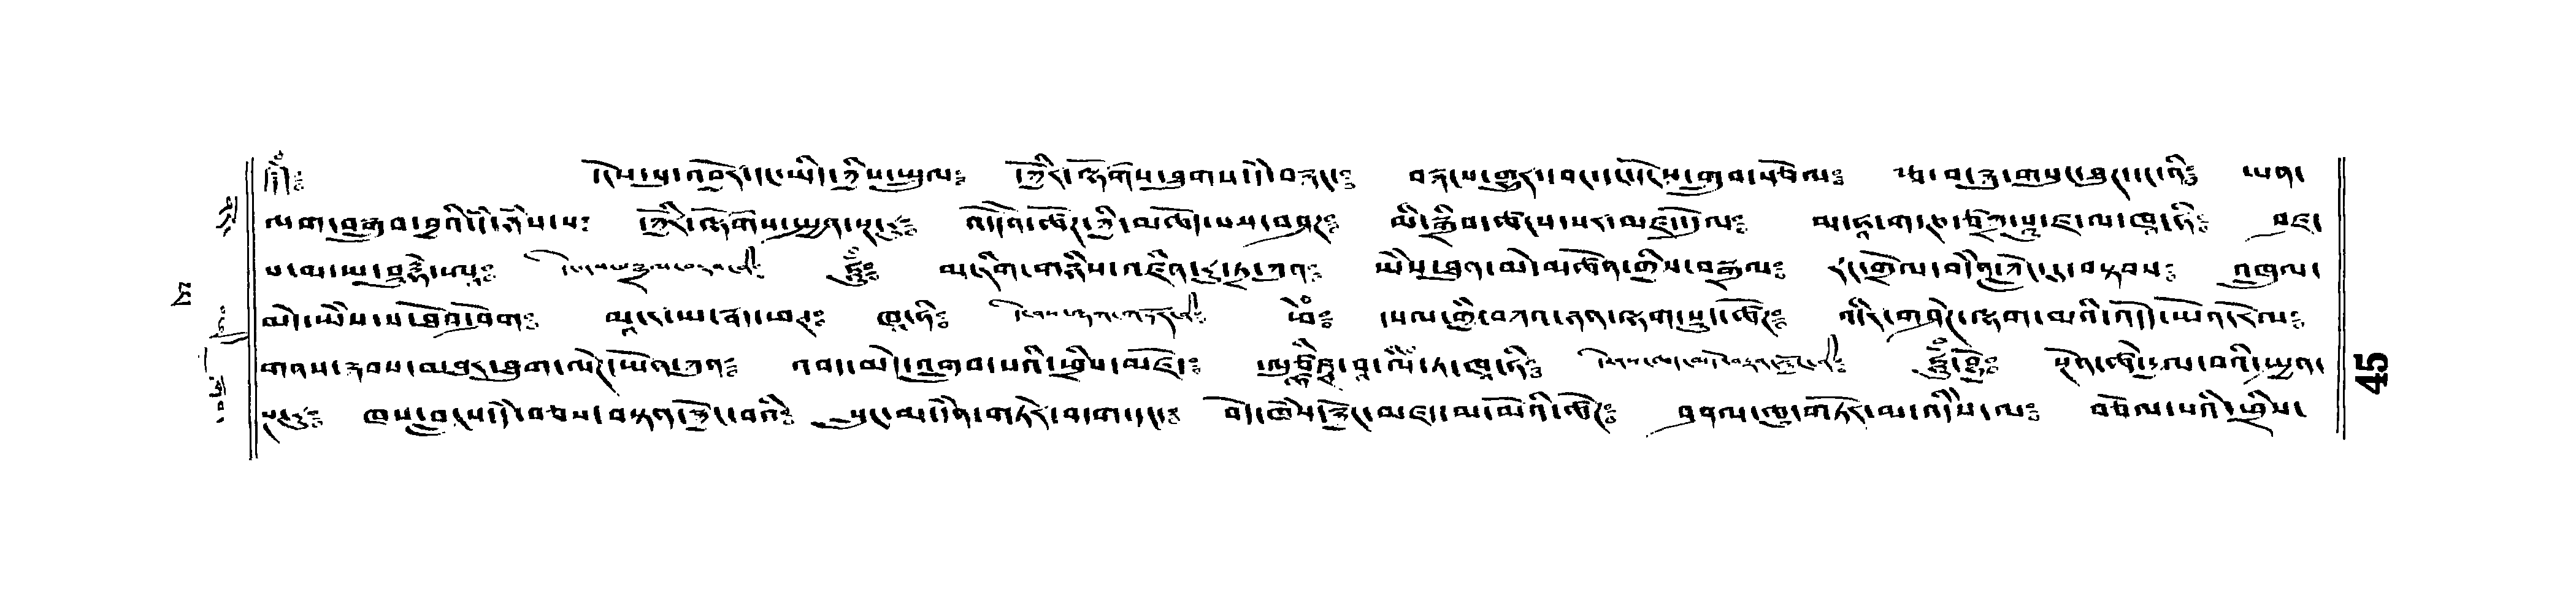དངོས་སུ་འབྱོར་དང་ཡིད་ཀྱིས་སྤྲུལ༔ དཀྱིལ་འཁོར་ལྷ་ཚོགས་ཐུགས་དམ་བསྐང༔ བསྐང་གྱུར་དབང་དང་དངོས་གྲུབ་སྩོལ༔ རྩ་བ་སྐུ་གསུང་ཐུགས་དང་ནི༔ ཡན་
ལག་བསྒྲུབ་བྱའི་དམ་ཉམས་པ༔དཀྱིལ་འཁོར་ལྷ་ཚོགས་སྤྱན་སྔ་རུ༔ འདོད་ཡོན་ཚོགས་ཀྱི་མཆོད་པས་བཤགས༔ མི་སྒྲིབ་ཚངས་པར་མཛད་དུ་གསོལ༔ མ་ཧཱ་ག་ཎ་ཙཀྲ་པཱུ་ཛ་ལ་ཁཱ་ཧི༔ བཛྲ་
ས་མ་ཡ་ཤུདྡྷེ་ཨཱཿ དེ་ནས་བསྒྲལ་བསྟབ་ནིཿ ཧཱུྃ༔ མ་རིག་གཉིས་འཛིན་རུ་ཏྲ་ཀུན༔ ཡེ་ཤེས་ཐུན་མེ་མཚོན་གྱིས་བསྒྲལ༔ རང་གྲོལ་བདེ་ཆེན་ཀློང་དུ་བསྟབ༔ འཁྲུལ་
མེད་ཡེ་ཤེས་ས་ཐོབ་ཤོག༔ མཱ་ར་ཡ་རྦད་ཕཊཿ ཁཱ་ཧི༔ དེ་ནས་ལྷག་གཏོར་ནི༔ ཕེཾ༔ དཔལ་གྱི་བཀའ་ཉན་ལྷག་སྡུད་ཚོགས༔ འདིར་གཤེགས་ལྷག་མའི་འདོད་ཡོན་རོལ༔ 
གནས་སྐབས་མཐར་ཐུག་ལེགས་ཡོན་ཀུན༔ འབད་མེད་འགྲུབ་པའི་ཕྲིན་ལས་མཛོད༔ ཨུཙྩིཥྚ་བཱ་ལིཾ་ཏ་ཁཱ་ཧི༔ དེ་ནས་ཆད་མདོ་བརྟན་སྐྱོང་ནི༔ ཧཱུྃ་བྷྱོ༔ སྔོན་ཚེ་རྒྱལ་བའི་སྤྱན་
སྔ་རུ༔ ཁས་བླངས་དམ་བཅས་བསྟན་སྐྱོང་བའི༔ སྲུང་མ་དམ་ཅན་གཏེར་བདག་དང༔ བོད་ཁམས་སྐྱོང་མཛད་མ་མོའི་ཚོགས༔ བཤལ་ཆུའི་གཏོར་མ་འདི་བཞཻས་ལ༔ བཅོལ་པའི་ཕྲིན་ལས་